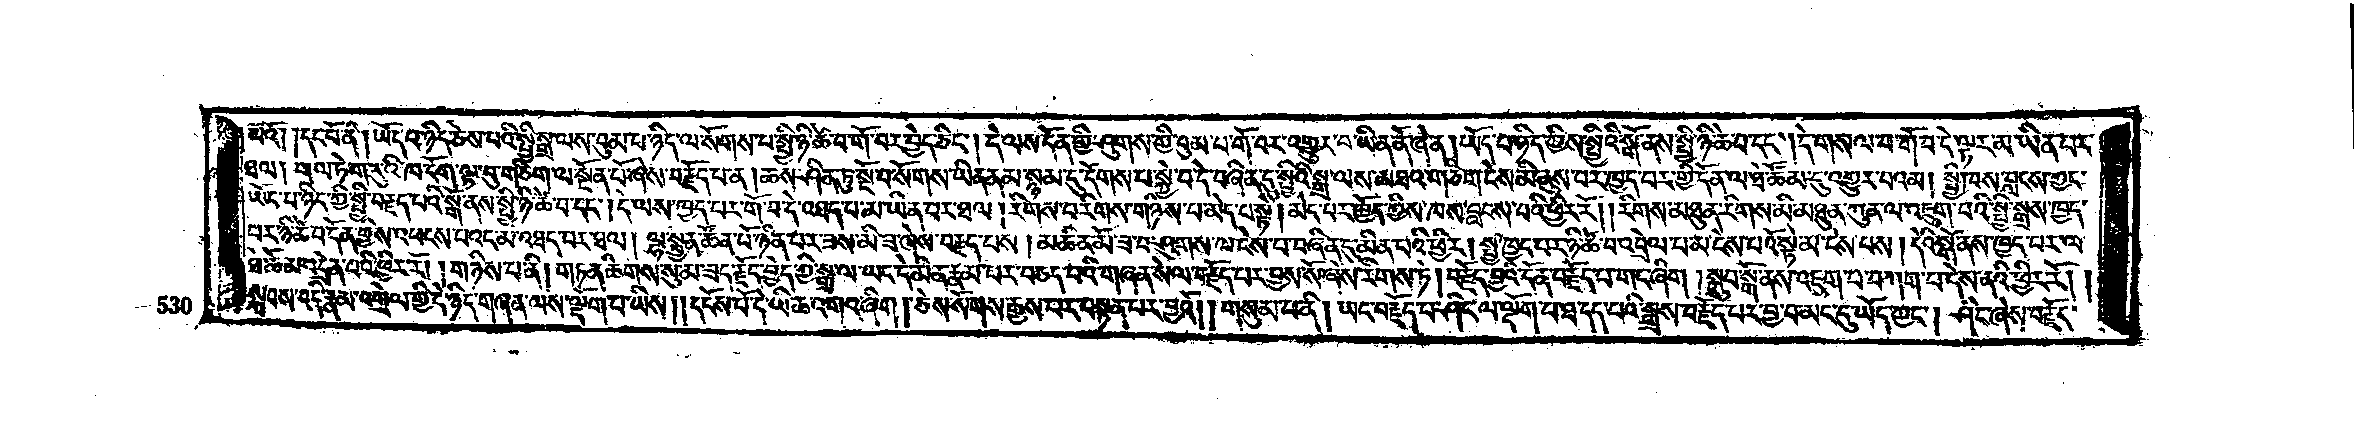པའོ༑ དང་པོ་ནི། ཡོད་པ་ཉིད་ཅེས་པའི་སྤྱི་སྒྲ་ལས་བུམ་པ་ཉིད་ལ་སོགས་པ་སྤྱི་ཉི་ཚེ་གོ་བར་བྱེད་ཅིང་། དེ་ལས་དོན་གྱི་ཤུགས་ཀྱི་བུམ་པ་གོ་བར་འགྱུར་བ་ཡིན་ནོ་ཞེ་ན། ཡོད་པ་ཉིད་ཀྱིས་སྤྱིའི་སྒོ་ནས་སྤྱི་ཉི་ཚེ་བ་དང་། དེ་གསལ་བ་གོ་བ་དེ་ལྟར་མ་ཡིན་པར་
ཐལ༑ གལ་ཏེ་ག?་རུའི་ཁ་དོག་ལྟ་བུ་གཅིག་ལ་སྔོན་པོ་ཞེས་བརྗོད་པ་ན། ཆོས་ཤུན་ཏུ་སྔོ་བ་སོགས་ཡིན་ནམ་སྙམ་དུ་དོགས་པ་སྐྱེ་བ་དེ་བཞིན་དུ་སྤྱིའི་སྒྲ་ལས་མཐའ་གཅིག་ངེས་མི་ནུས་པར་ཁྱད་པར་གྱི་དོན་ལ་ཐེ་ཚོམ་དུ་འགྱུར་བའམ། སྤྱི་ཁས་བླངས་ཀྱང་
ཡོད་པ་ཉིད་ཀྱི་སྤྱི་བརྗོད་པའི་སྒོ་ནས་སྤྱི་ཉི་ཚེ་བ་དང་། དེ་ལས་ཁྱད་པར་གོ་བ་དེ་འཐད་པ་མ་ཡིན་པར་ཐལ། རིགས་པ་རིགས་གཉིས་པ་མེད་པ་སྟེ། མེད་པར་ཁྱོད་ཀྱིས་ཁས་བླངས་པའི་ཕྱིར་རོ། །རིགས་མཐུན་རིགས་མི་མཐུན་ཀུན་ལ་འཇུག་པའི་སྤྱི་སྒྲས་ཁྱད་
པར་ཉི་ཚེ་བ་དོན་གྱིས་འཕངས་པའང་མི་འཐད་པ་ཐལ། ལྷ་སྦྱིན་ཚོན་པོ་ཉིན་པར་ཟས་མི་ཟ་ཞེས་བརྗོད་པས། མཚན་མོ་ཟ་བ་ཤུགས་ལ་ངེས་པ་བཞིན་དུ་མིན་པའི་ཕྱིར། སྤྱི་ཁྱད་པར་ཉི་ཚེ་བ་འབྲེལ་པ་མ་ངེས་པའོ་སྟེ་མ་ངེས་པས། དེའི་སྒོ་ནས་ཁྱད་པར་ལ་
ཐེ་ཚོམ་འདྲེན་པའི་ཕྱིར་རོ། །གཉིས་པ་ནི། གཏན་ཚིགས་སུམ་ཟད་རྗོད་བྱེད་ཀྱི་སྒྲ་ལ་ཡང་དེ་མིན་རྣམ་པར་བཅད་པའི་གཞན་སེལ་བརྗོད་པར་བྱས་སོ་ཞེས་རིགས་ཏེ། བརྗོད་བྱའི་དོན་བརྗོད་པ་གང་ཞིག །སྒྲུབ་སྒོ་ནས་འཇུག་པ་བཀག་པ་དེས་ནའི་ཕྱིར་རོ། །
སྐབས་འདི་རྣམ་འགྲེལ་གྱི་དེ་ཉིད་གཞན་ལས་ལྡོག་པ་ཡིས། དངོས་པོ་དེ་ཡི་ཆ་འགའ་ཞིག །ཅེས་སོགས་རྒྱས་པར་བསྟན་པར་བྱའོ། །གསུམ་པ་ནི། ཡང་བརྗོད་པ་ཤིང་ལ་ལྡོག་པ་ཐ་དད་པའི་སྒྲས་བརྗོད་པར་བྱ་བ་མང་དུ་ཡོད་ཀྱང་། ཤིང་ཞེས་བརྗོད་